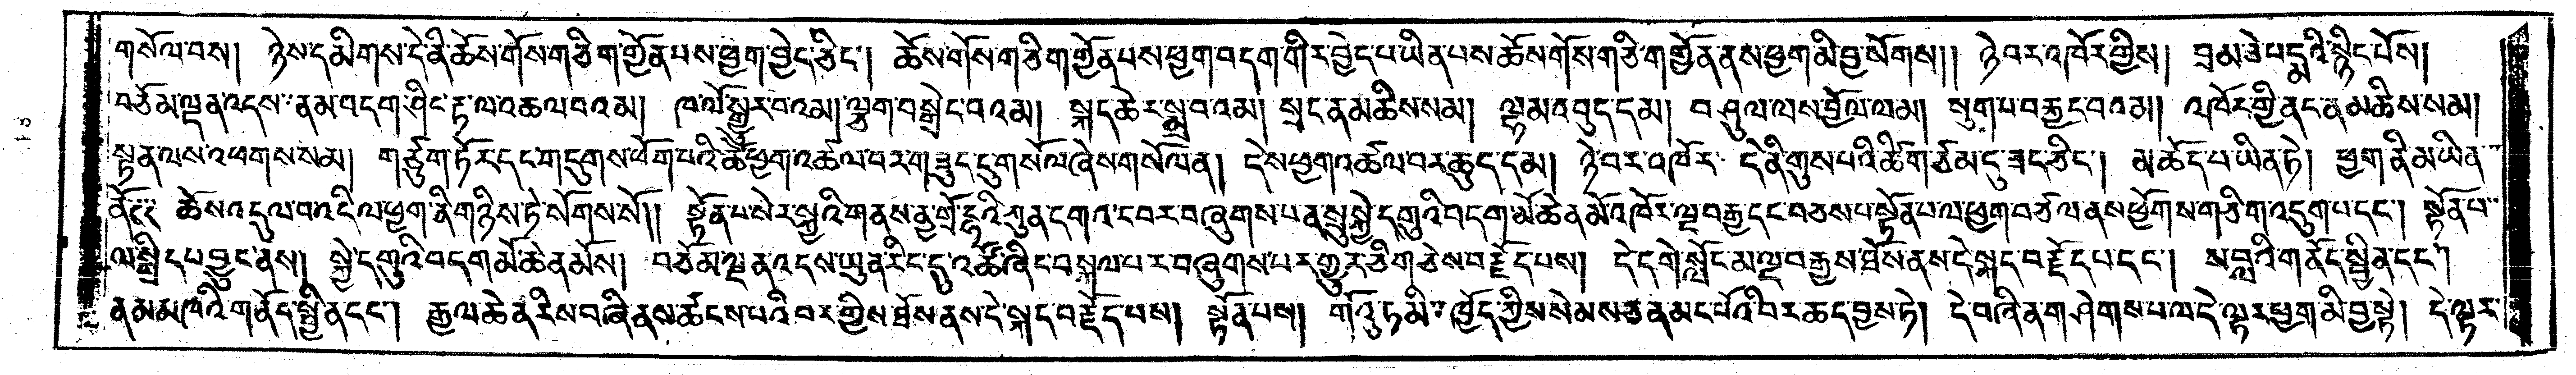གསོལ་བས། ཉེས་དམིགས་དེ་ནི་ཆོས་གོས་གཅིག་གྱོན་པས་ཕྱག་བྱེད་ཅིང་། ཆོས་གོས་གཅིག་གྱོན་པས་ཕྱག་བདག་གིར་བྱེད་པ་ཡིན་པས་ཆོས་གོས་གཅིག་གྱོན་ནས་ཕྱག་མི་བྱ་སོགས།། ཉེ་བར་འཁོར་གྱིས། བྲམ་ཟེ་པདམའི་སྙིང་པོས།
བཅོམ་ལྡན་འདས་ནམ་བདག་ཤིང་རྟ་ལ་འཆལ་བའམ། ཁ་ལོ་སྒྱུར་བའམ། ལྕག་བསྒྲེང་བའམ། སྐད་ཆེར་སྨྲ་བ་འམ། སྲང་ན་མཆིས་སམ། ལྷམ་འབུད་དམ། བཤུལ་ལས་བྱོལ་ལམ། སུག་པ་བརྐྱང་བའམ། འཁོར་གྱི་ནང་ན་མཆིས་སམ།
སྟན་ལས་འཕགས་སམ། གཙུག་ཏོར་དང་གདུགས་ཕོག་པའི་ཆོ་ཕྱག་འཚལ་བར་གཟུང་དུ་གསོལ་ཞེས་གསོལ་ན། དེས་ཕྱག་འཚལ་བར་ཆུད་དམ། ཉེ་བར་འཁོར་དེ་ནི་གུས་པའི་ཚིག་ཙམ་དུ་ཟད་ཅིང་། མཆོད་པ་ཡིན་ཏེ། ཕྱག་ནི་མ་ཡིན་
ནོ༑༑ ཆོས་འདུལ་བ་འདི་ལ་ཕྱག་ནི་གཉིས་ཏེ་སོགས་སོ།། སྟོན་པ་སེར་སྐྱའི་གནས་ནྱ་གྲོ་དྷའི་ཀུན་དགའ་དབར་བཞུགས་པ་ན་སྲུ་སྐྱེ་དགུའི་བདག་མོ་ཆེན་མོ་འཁོར་ལྔ་བརྒྱ་དང་བཅས་པ་སྟོན་པ་ལ་ཕྱག་བཙལ་ནས་ཕྱོགས་གཅིག་འདུག་པ་དང་། སྟོན་པ་
ལ་སྒྲིད་པ་བྱུང་ནས། སྐྱེ་དགུའི་བདག་མོ་ཆེན་མོས། བཅོམ་ལྡན་འདས་ཡུན་རིང་དུ་འཚོ་ཞིང་བསྐལ་པར་བཞུགས་པར་གྱུར་ཅིག་ཅེས་བརྗོད་པས། དེ་དགེ་སློང་མ་ལྔ་བརྒྱས་ཐོས་ནས་དེ་སྐད་བརྗོད་པ་དང་། ས་བླའི་གནོད་སྦྱིན་དང་།
ནམ་མཁའི་གནོད་སྦྱིན་དང་། རྒྱལ་ཆེན་རིས་བཞི་ནས་ཚངས་པའི་བར་གྱིས་ཐོས་ནས་དེ་སྐད་བརྗོད་པས། སྟོན་པས། གོའུ་ཏ་མི་ཁྱོད་ཀྱིས་སེམས་ཅན་མང་པོའི་བར་ཆད་བྱས་ཏེ། དེ་བཞིན་གཤེགས་པ་ལ་དེ་ལྟར་ཕྱག་མི་བྱ་སྟེ། དེ་ལྟར་